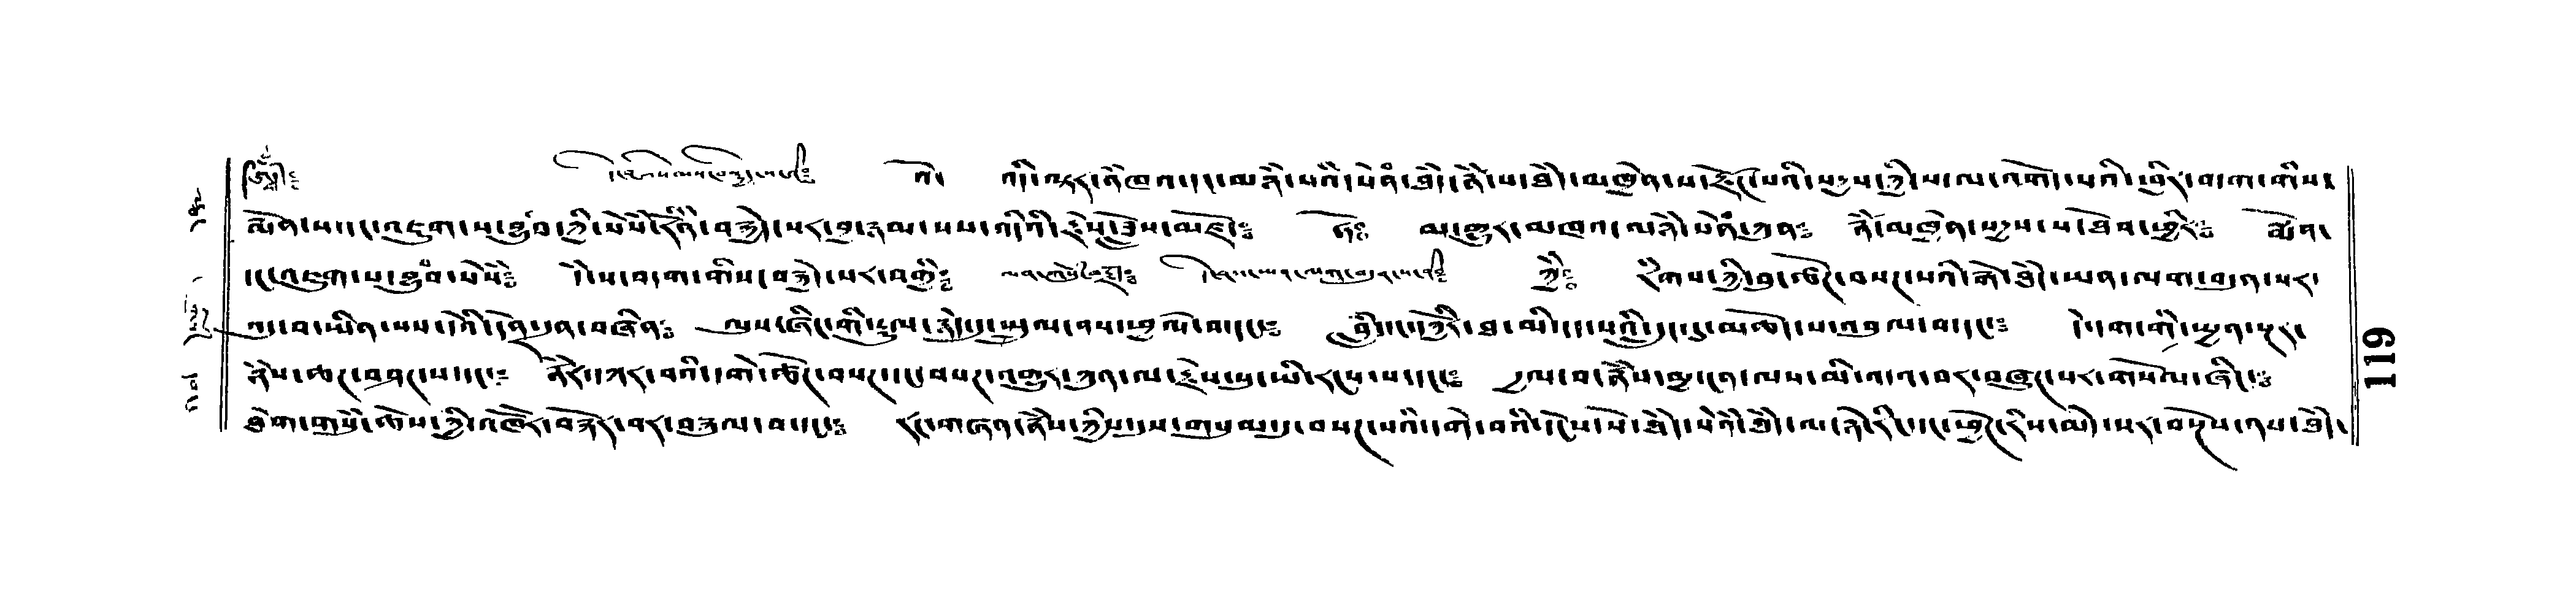དེ་ནས་སེམས་བསྐྱེད་པ་ནི༔ འོ༔ འདི་ལྟར་ནམ་མཁའ་དང་མཉམ་པའི་སེམས་ཅན་ཐམས་ཅད་རྣམ་པ་ཐམས་ཅད་མཁྱེན་པ་རྫོགས་པའི་སངས་རྒྱས་ཀྱི་ས་ལ་འགོད་པའི་ཕྱིར་བདག་གིས་
སྨོན་པ་དང་འཇུག་པ་བྱང་ཆུབ་ཀྱི་སེམས་རིན་པོ་ཆེ་བསྐྱེད་པར་བྱ་སྙམ་པས་འདིའི་རྗེས་ཟློས་མཛོད༔ ཧོཿ མ་གྱུར་མཁའ་མཉམ་སེམས་ཅན་ཀུན༔ རྣམ་མཁྱེན་སངས་རྒྱས་ས་ཐོབ་ཕྱིར༔ སྨོན་
དང་འཇུག་པ་བྱང་ཆུབ་སེམས༔ དམ་པ་བདག་གིས་བསྐྱེད་པར་བགྱི༔ ལན་གསུམ་བརྗོད༔ དེ་ནས་ཡན་ལག་བདུན་པ་ནི༔ ཀྱཻ༔ རིགས་ཀྱི་བུ་ཚོགས་གསོག་པའི་སྒོ་ཐམས་ཅད་ཡན་ལག་བདུན་པར་
འདུ་བ་ཡིན་པས་དེའི་དོན་དྲན་བཞིན༔ ལུས་ཞིང་གི་རྡུལ་སྙེད་དུ་སྤྲུལ་ནས་ཕྱག་འཚལ་བ་དང༔ བླ་མ་དང་དཀྱིལ་འཁོར་ཐ་མི་དད་པའི་དྲུང་དུ་མཆོད་པ་འབུལ་བ་དང༔ དེ་དག་གི་སྤྱན་སྔར་
ཉམས་ཆགས་བཤགས་པ་དང༔ རྣམ་པར་དཀར་བའི་དགེ་ཚོགས་བསགས་དང་བསག་འགྱུར་ཀུན་ལ་རྗེས་སུ་ཡི་རངས་པ་དང༔ རྒྱལ་བ་རྣམས་མྱ་ངན་ལས་མི་འདའ་བར་བཞུགས་པར་གསོལ་ཞིང༔ 
ཐེག་གསུམ་ཆོས་ཀྱི་འཁོར་ལོ་བསྐོར་བར་བསྐུལ་བ་དང༔ རང་གཞན་རྣམས་ཀྱིས་དུས་གསུམ་དུ་བསགས་པའི་དགེ་བའི་དངོས་པོ་ཐམས་ཅད་ལ་ཉེ་རིང་དང་ཕྱོགས་རིས་མེད་པར་བསྔོས་ནས་ཐམས་ཅད་